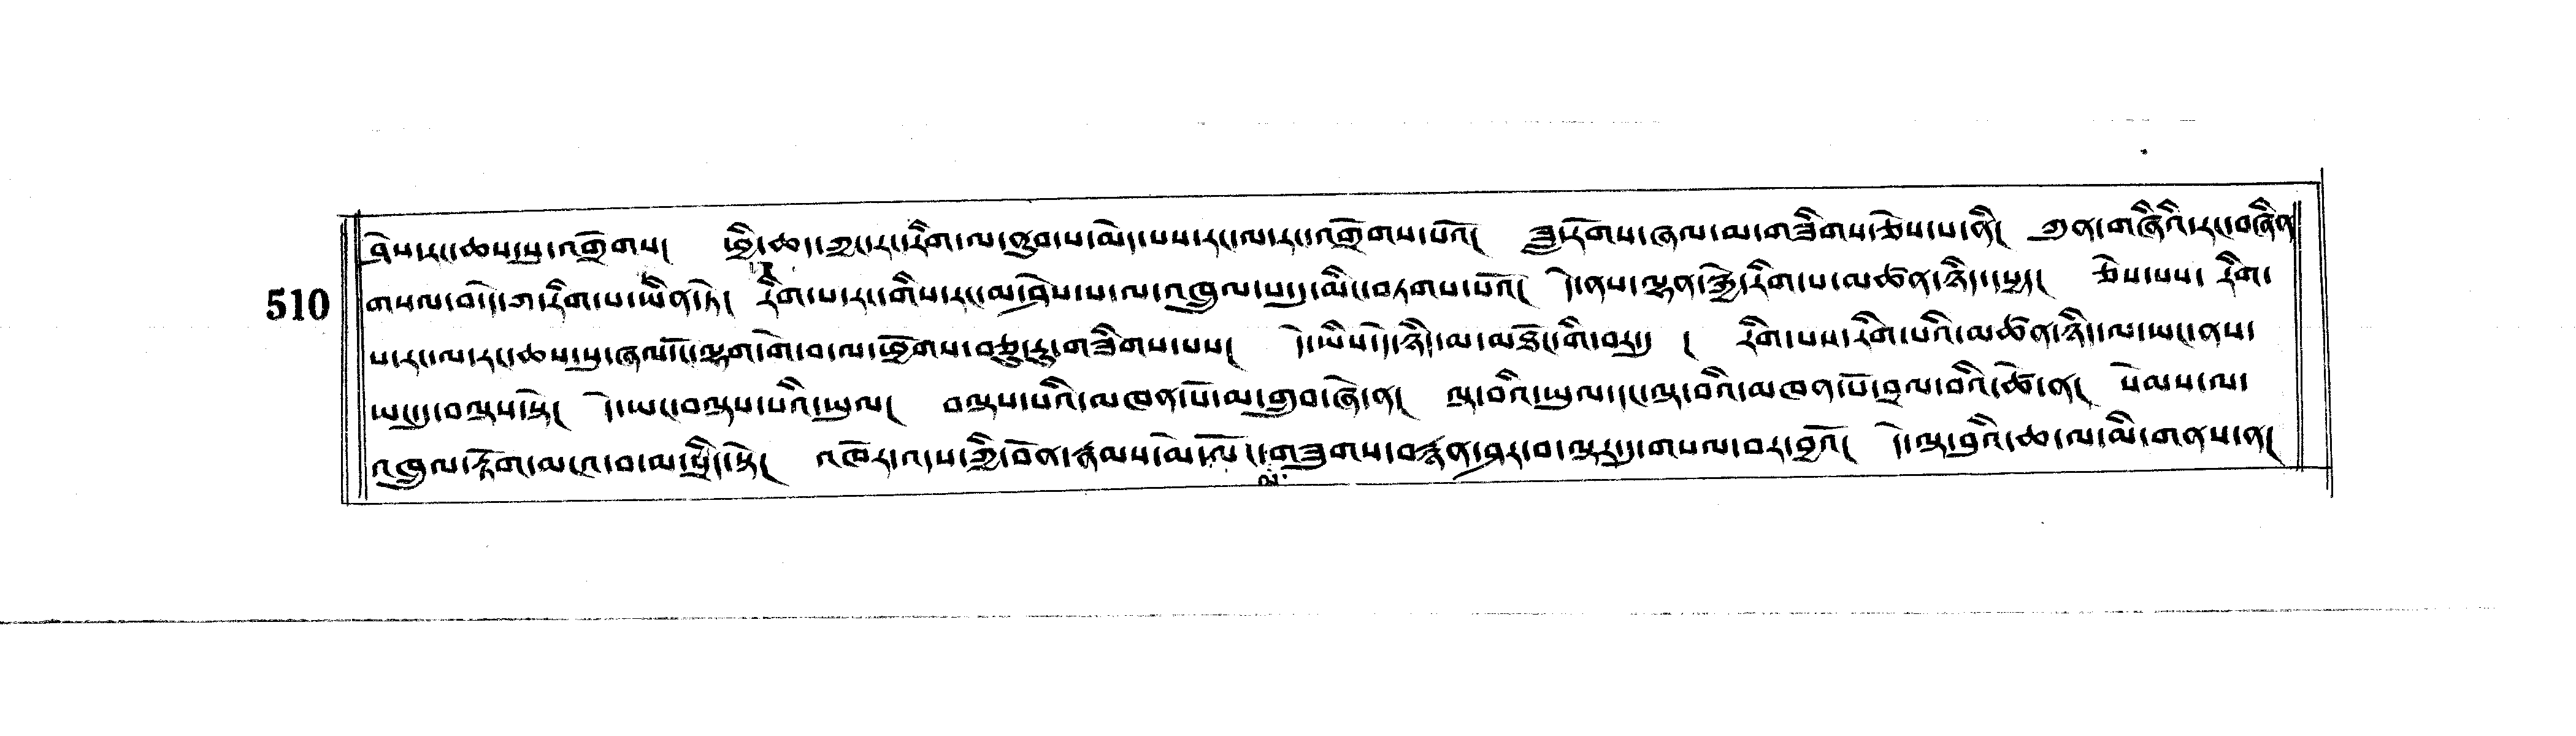ཤེས་རང་ཆས་སུ་འགྲོགས། ཕྱི་ཆད་ཀྱང་རང་རིག་ལ་ནུབ་པ་མེད་པས། རང་ལ་རང་འགྲོགས་པའོ། ཟླ་རོགས་ཞལ་མ་གཟིགས་ཞེས་པ་ནི། ཀུན་གཞིའི་རང་བཞིན་
གསལ་བ་དེ་ཀ་རིག་པ་ཡིན་ཏེ། རིག་པ་རང་གིས་རང་མ་ཤེས་པ་ལ་འཁྲུལ་པ་རུ་མིང་བཏགས་པའོ། དེ་ནས་ལྷན་སྐྱེས་རིག་པ་མཚན་ཉིད་དཔྱད། ཅེས་པས། རིག་
པ་རང་ལ་རང་ཆས་སུ་ཞལ་ངོ་ལྷག་གེ་བ་ལ་ཕྱོགས་བཅུ་ལ་གཟིགས་པས། དེ་ཡིས་དེ་ཉིད་མ་མཐོང་གི་བར་དུ། རིག་པས་རིག་པའི་མཚན་ཉིད་ལ་ཡང་ནས་
ཡང་དུ་བལྟས་ཏེ། དེ་ཡང་བལྟས་པའི་ཡུལ། བལྟས་པའི་མཁན་པོ་མ་གྲུབ་ཅེ་ན། ལྟ་བའི་ཡུལ་དང་ལྟ་བའི་མཁན་པོ་བྲལ་བའི་ཚེ་ན། སེམས་ལ་
འཁྲུལ་རྟོག་མངའ་བ་མ་སྲིད་དེ། འཁོར་འདས་ཀྱི་བོན་རྣམས་མེ་ལོང་ལ་གཟུགས་བརྙན་ཤར་བ་ལྟར་དུ་གསལ་བར་བྱའོ། དེ་ལྟ་བུའི་ཆ་ལ་མི་གནས་ན།